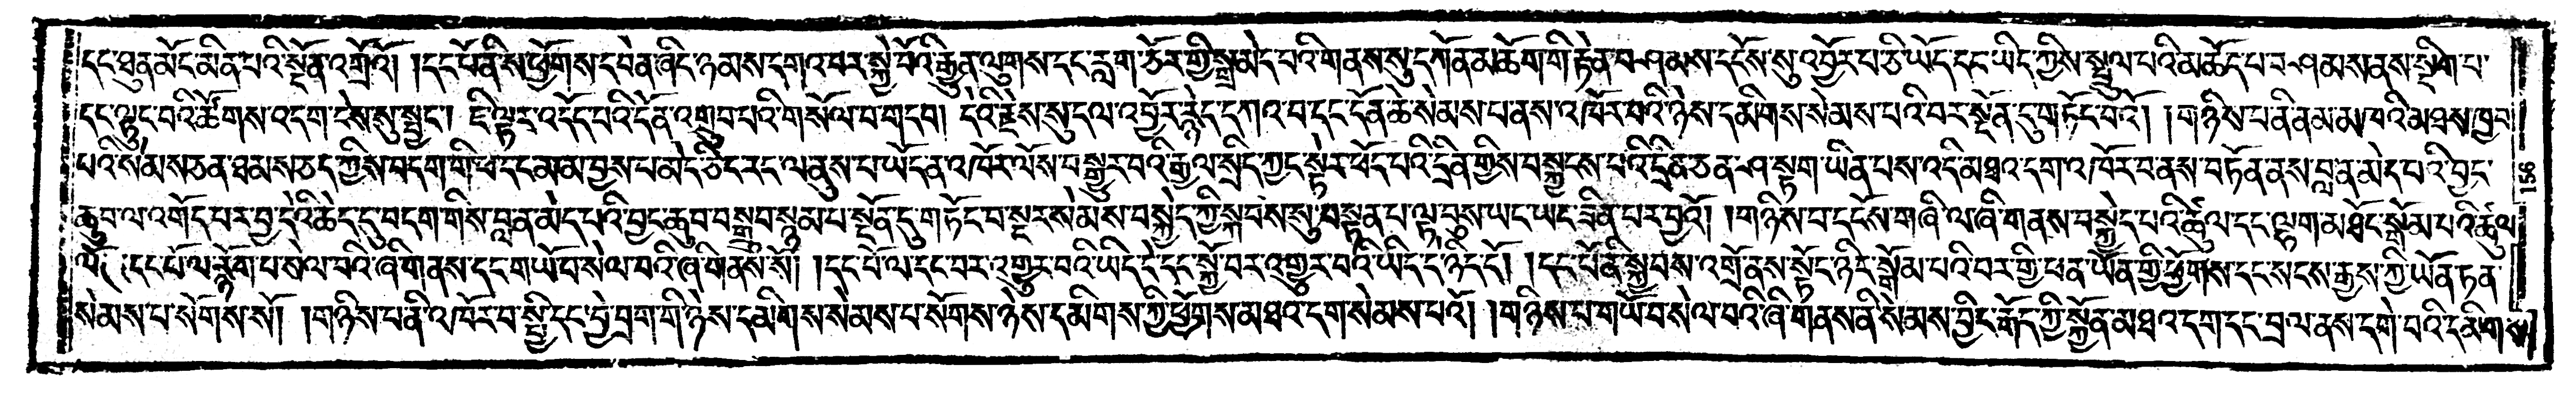དང་ཐུན་མོང་མིན་པའི་སྔོན་འགྲོའོ། །དང་པོ་ནི་ས་ཕྱོགས་དབེན་ཞིང་ཉམས་དགའ་བར་སྐྱེ་བོའི་རྒྱུན་ལུགས་དང་རླག་ཅོར་གྱི་སྒྲ་མེད་པའི་གནས་སུ་དཀོན་མཆོག་གི་རྟེན་བཤམས་དངོས་སུ་འབྱོར་པ་ཅི་ཡོད་དང་ཡིད་ཀྱིས་སྤྲུལ་པའི་མཆོད་པ་བཤམས་ནས་སྡིག་པ་
དང་ལྟུང་བའི་ཚོགས་འདག་ངེས་སུ་སྦྱང་། ཇི་ལྟར་འདོད་པའི་དོན་འགྲུབ་པའི་གསོལ་བ་གདབ། དེའི་རྗེས་སུ་དལ་འབྱོར་རྙེད་དཀའ་བ་དང་དོན་ཆེ་སེམས་པ་ནས་འཁོར་བའི་ཉེས་དམིགས་སེམས་པའི་བར་སྔོན་དུ་གཏོང་བའོ། །གཉིས་པ་ནི་ནམ་མཁའི་མཐས་ཁྱབ་
པའི་སེམས་ཅན་ཐམས་ཅད་ཀྱིས་བདག་གི་ཕ་དང་མ་མ་བྱས་པ་མེད་ཅིང་རང་ལ་ནུས་པ་ཡོད་ན་འཁོར་ལོས་བསྒྱུར་བའི་རྒྱལ་སྲིད་ཀྱང་སྟེར་ཕོད་པའི་དྲིན་གྱིས་བསྐྱངས་པའི་དྲིན་ཅན་ཤ་སྟག་ཡིན་པས་འདི་མཐའ་དག་འཁོར་བ་ནས་བཏོན་ནས་བླ་ན་མེད་པའི་བྱང་
ཆུབ་ལ་འགོད་པར་བྱ་དེའི་ཆེད་དུ་བདག་གིས་བླ་ན་མེད་པའི་བྱང་ཆུབ་བསྒྲུབ་སྙམ་པ་སྔོན་དུ་གཏོང་བ་སྔར་སེམས་བསྐྱེད་ཀྱི་སྐབས་སུ་བསྟན་པ་ལྟ་བུས་ཡང་ཡང་ཟིན་པར་བྱའོ། །གཉིས་པ་དངོས་གཞི་ལ་ཞི་གནས་བསྐྱེད་པའི་ཚུལ་དང་ལྷག་མཐོང་སྒོམ་པའི་ཚུལ་
ལོ། །དང་པོ་ལ་རྙོག་པ་སེལ་བའི་ཞི་གནས་དང་གཡོ་བ་སེལ་བའི་ཞི་གནས་སོ། །དང་པོ་ལ་དང་བར་འགྱུར་བའི་ཡིད་དེ་དང་སྐྱོ་བར་འགྱུར་བའི་ཡིད་དེ་ཉིད་དོ། །དང་པོ་ནི་སྐྱབས་འགྲོ་ནས་སྟོང་ཉིད་སྒོམ་པའི་བར་གྱི་ཕན་ཡོན་གྱི་ཕྱོགས་དང་སངས་རྒྱས་ཀྱི་ཡོན་ཏན་
སེམས་པ་སོགས་སོ། །གཉིས་པ་ནི་འཁོར་བ་སྤྱི་དང་བྱེ་བྲག་གི་ཉེས་དམིགས་སེམས་པ་སོགས་ཉེས་དམིགས་ཀྱི་ཕྱོགས་མཐའ་དག་སེམས་པའོ། །གཉིས་པ་གཡོ་བ་སེལ་བའི་ཞི་གནས་ནི་སེམས་བྱིང་རྒོད་ཀྱི་སྐྱོན་མཐའ་དག་དང་བྲལ་ནས་དགེ་བའི་དམིགས་